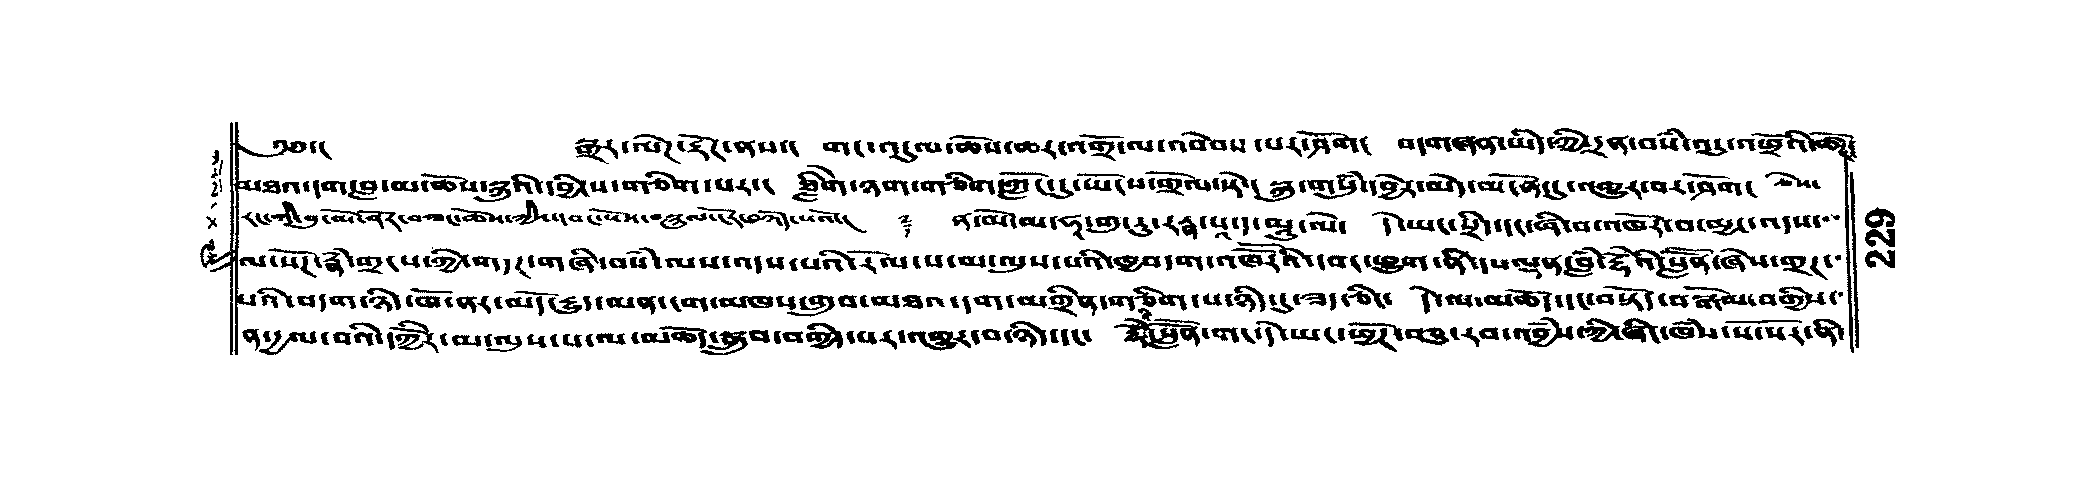སྒྲར་ལེགས་རྟོགས་ནས། །གང་འདུལ་ཆོས་ཆར་འགྲོ་ལ་འབེབས་པར་ཤོག །བདག་གཞན་ཡིད་ཀྱི་དྲན་བསམ་འདུ་འཕྲོའི་ཚོགས། །
མཐའ་དག་བླ་མ་ཆོས་སྐུའི་དབྱིངས་གཅིག་པར། །ཐིག་ལེ་ཉག་གཅིག་ཀློང་དུ་ཡོངས་གྲོལ་སྟེ། །སྐུ་གསུམ་དབྱེར་མེད་མངོན་དུ་འགྱུར་བར་ཤོག ཅེས་
རང་གི་བུ་མོ་ནོར་བཟང་ཆོས་ཀྱིས་དབང་མོས་བསྐུལ་ངོར་བཀོད་པའོ།། ༈ ན་མོ་མ་ཧཱ་གུ་རུ་རཏྣ་པཱ་ད་མཱུ་ལེ། དེ་ཡང་སྲིད་དང་ཞི་བ་འཁོར་བ་མྱང་འདས་
ལ་སོགས་རྣམ་གྲངས་ཀྱི་གདགས་གཞི་བསམ་ལས་འདས་པའི་རོལ་པ་མ་ལུས་པའི་ཁྱབ་བདག་འཁོར་ལོའི་དབང་ཕྱུག་ནི་དཔལ་ལྡན་བླ་མ་རྡོ་རྗེའི་སློབ་དཔོན་ཞེས་གྲགས་
པའི་བདག་ཉིད་ཁོ་ནར་མདོ་རྒྱུད་མན་ངག་མཁས་གྲུབ་མཐའ་དག་མགྲིན་གཅིག་པ་ཉིད་དུ་ཟད་ཅིང་། དེ་ལ་མཆོད་དང་བསྟོད་བསྒོམ་བགྱིས་
ན་རྒྱལ་བའི་དཀྱིལ་འཁོར་མ་ལུས་པ་ལ་མཆོད་སྒྲུབ་བགྱིས་པར་འགྱུར་བ་ཉིད་དང་། རྡོ་རྗེ་སློབ་དཔོན་གང་དེ་ཡང་ཕྱོགས་བཅུ་རབ་འབྱམས་ཀྱི་ཞིང་ཁམས་སོ་སོར་ནི་